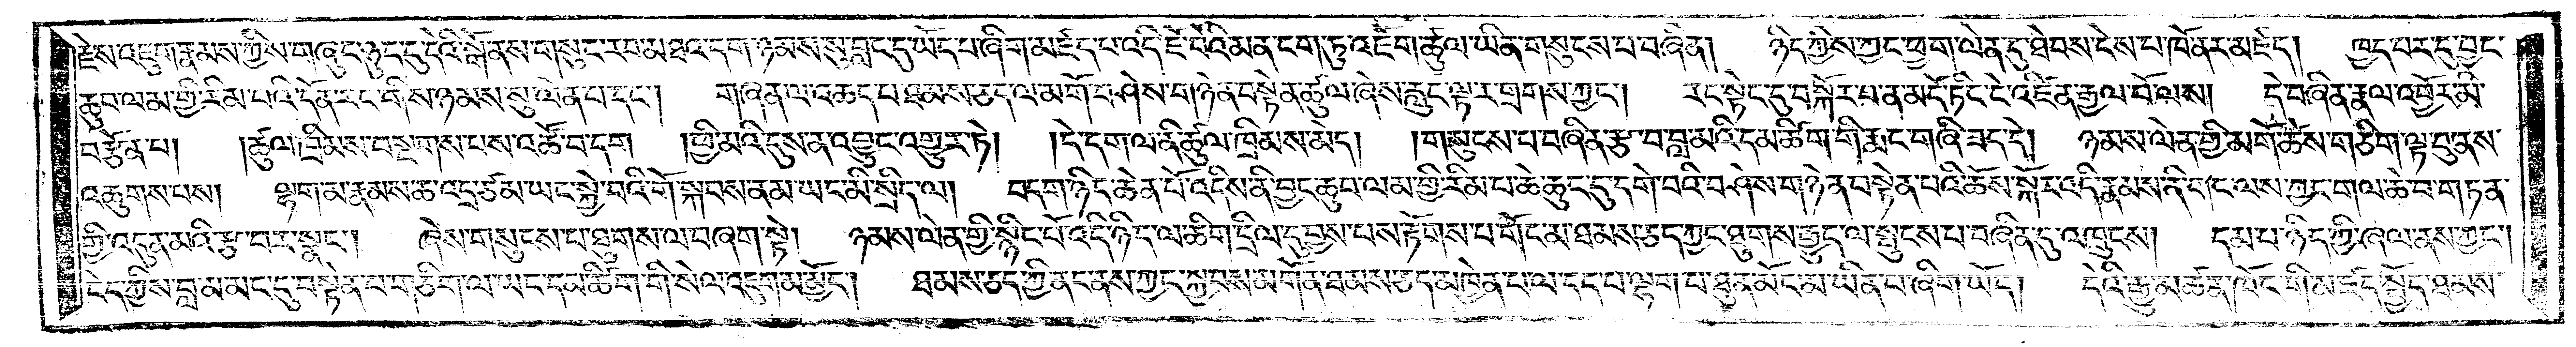རྗེས་འཇུག་རྣམས་ཀྱིས་གཞུང་ཉུང་དུ་དེའི་སྒོ་ནས་གསུངས་རབ་མཐའ་དག་ཉམས་སུ་བླང་དུ་ཡོད་པ་ཞིག་མཛད་པ་འདི་ཇོ་བོའི་མན་ངག་ཏུ་འཇོག་ཚུལ་ཡིན་གསུངས་པ་བཞིན། ཉིད་ཀྱིས་ཀྱང་ཕྱག་ལེན་དུ་ཐེབས་ངེས་པ་ཁོ་ནར་མཛད། ཁྱད་པར་དུ་བྱང་
ཆུབ་ལམ་གྱི་རིམ་པའི་དོན་རང་གིས་ཉམས་སུ་ལེན་པ་དང་། གཞན་ལ་འཆད་པ་ཐམས་ཅད་ལ་མགོ་བཤེས་གཉེན་བསྟེན་ཚུལ་ཞེས་རླུང་ལྟ་ར་གྲགས་ཀྱང་། རང་སྟེང་དུ་བསྐོར་བ་ན་མདོ་ཏིང་ངེ་འཛིན་རྒྱལ་པོ་ལས། དེ་བཞིན་རྣལ་འབྱོར་མི་
བརྩོན་པ། །ཚུལ་ཁྲིམས་བསྔགས་པས་འཚོ་བ་དག །ཕྱི་མའི་དུས་ན་འབྱུང་འགྱུར་ཏེ། །དེ་དག་ལ་ནི་ཚུལ་ཁྲིམས་མེད། །གསུངས་པ་བཞིན་རྩ་བ་བླ་མའི་དམ་ཚིག་གི་རྨང་གཞི་ཟད་དེ། ཉམས་ལེན་གྱི་མགོ་ཚེས་གཅིག་ལྟ་བུ་ནས་
འཚུགས་པས། ལྷག་མ་རྣམས་ཆ་འདྲ་ཙམ་ཡང་སྐྱེ་བའི་གོ་སྐབས་ནམ་ཡང་མི་སྲིད་ལ། བདག་ཉིད་ཆེན་པོ་འདིས་ནི་བྱང་ཆུབ་ལམ་གྱི་རིམ་པ་ཆེ་ཆུང་དུ་དགེ་བའི་བཤེས་གཉེན་བསྟེན་བའི་ཆོས་སྐོར་འདི་རྣམས་ནི་གང་ལས་ཀྱང་གལ་ཆེ་བ་གཏན་
གྱི་འདུན་མའི་རྩ་བར་སྣང་། ཞེས་གསུངས་པ་ཐུགས་ལ་བཞག་སྟེ། ཉམས་ལེན་གྱི་སྙིང་པོ་འདི་ཉིད་ལ་ཆིག་དྲིལ་དུ་བྱས་པས་རྟོགས་པ་གོང་མ་ཐམས་ཅད་ཀྱང་ཐུགས་རྒྱུད་ལ་སྤུངས་པ་བཞིན་དུ་འཁྲུངས། དམ་པ་ཉིད་ཀྱི་ཞལ་ནས་ཀྱང་།
ངེད་ཀྱིས་བླ་མ་མང་དུ་བསྟེན་པ་གཅིག་ལ་ཡང་དམ་ཚིག་གི་སེལ་འཇུག་མ་མྱོང་། ཐམས་ཅད་ཀྱི་ནང་ནས་ཀྱང་སྐྱབས་མགོན་ཐམས་ཅད་མཁྱེན་པ་ལ་དད་པ་ལྷག་པ་ཐུན་མོང་མ་ཡིན་པ་ཞིག་ཡོད། དེའི་རྒྱུ་མཚན་ཁོང་གི་མཛད་སྦྱོར་ཐམས་